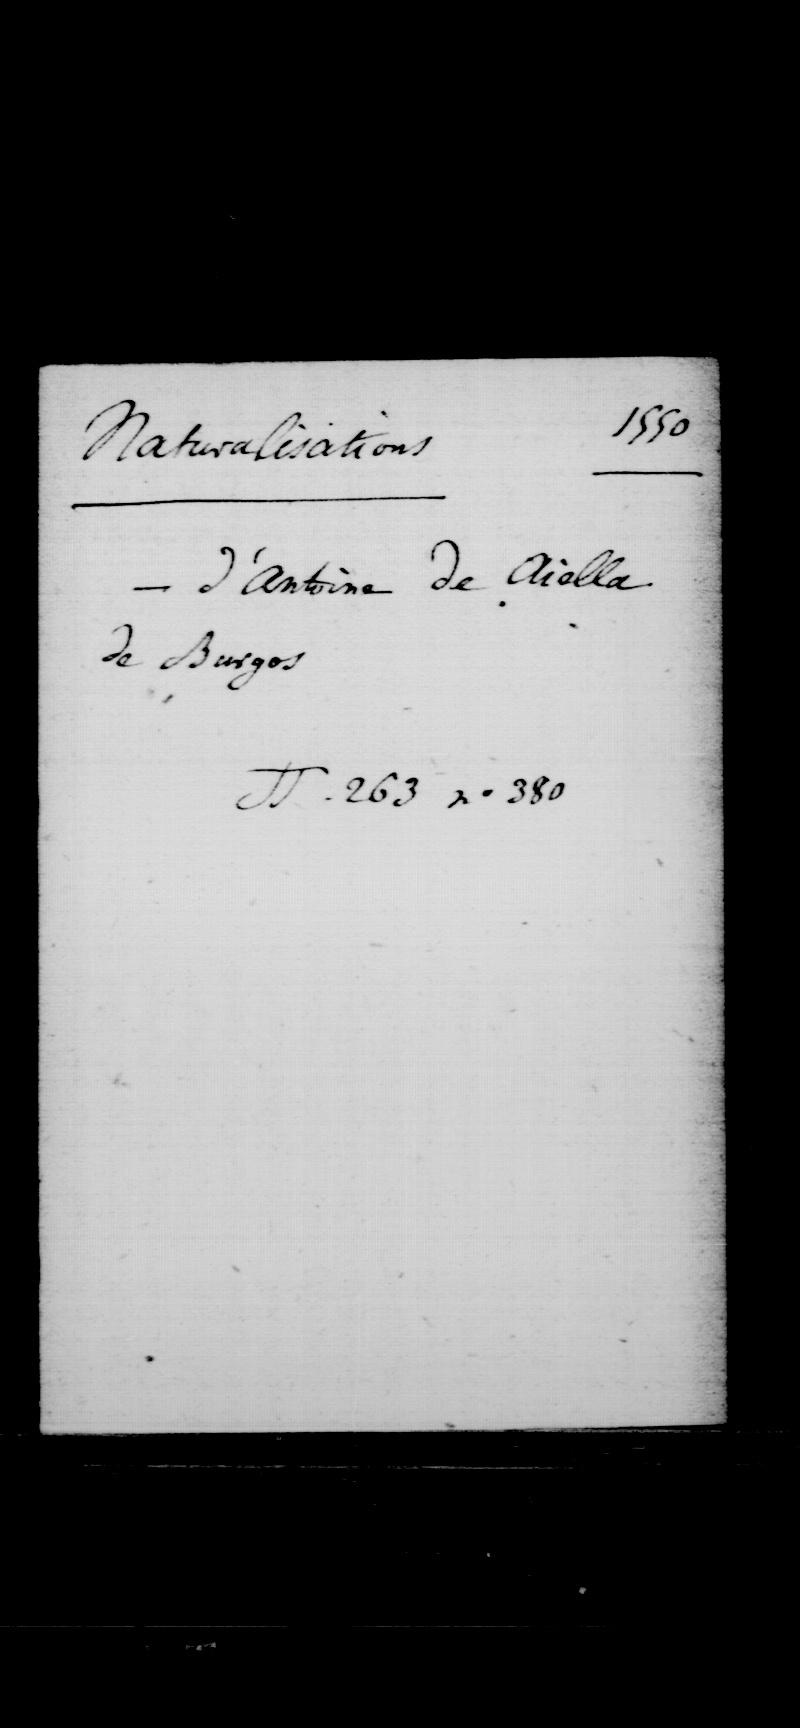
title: Naturalisations
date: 1550
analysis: - d'Antoine de Aiella de Burgos
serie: JJ
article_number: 263
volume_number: n° 380
